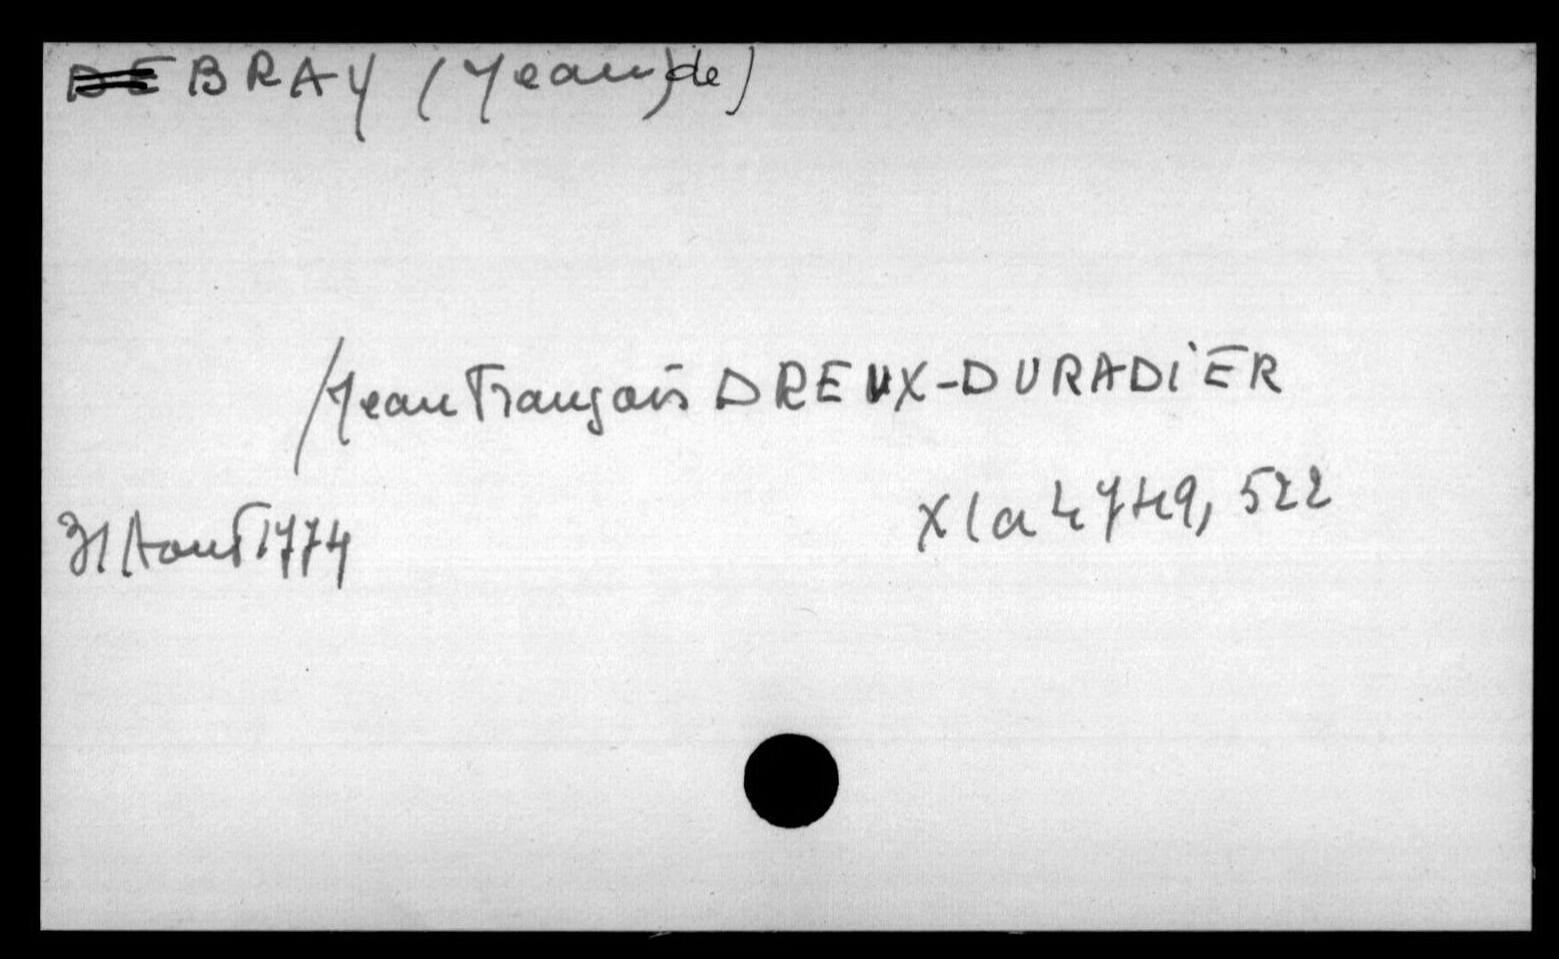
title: BRAY (Jean de)
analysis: Contre Jean François DREUX-DURADIER
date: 31 août 1774
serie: X1a
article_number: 4749
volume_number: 522
